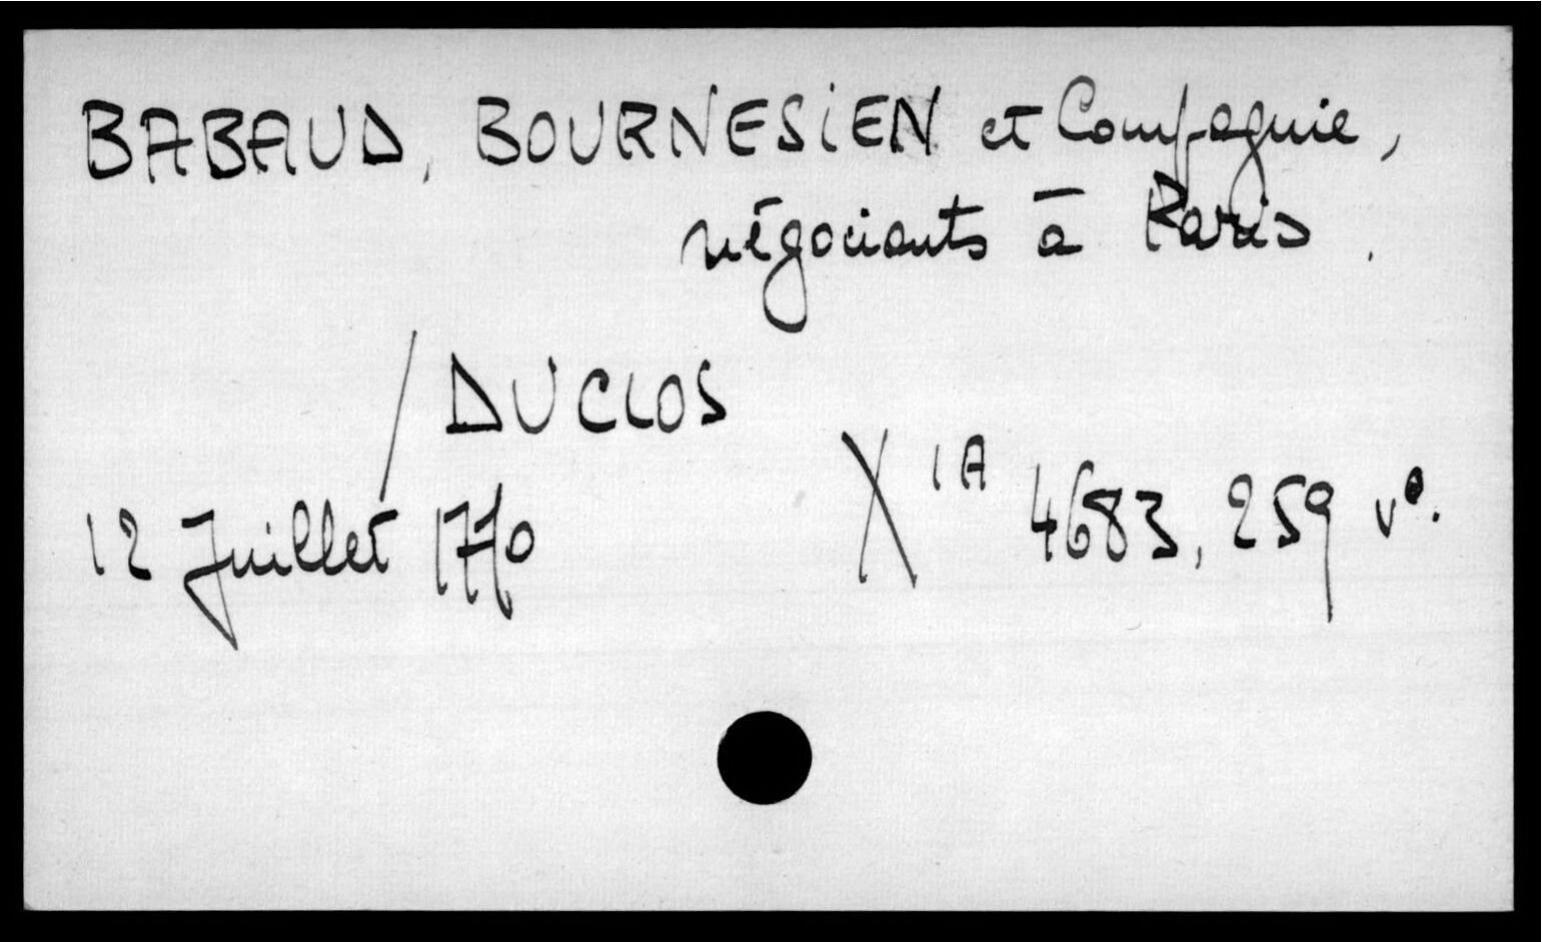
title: BABAUD, BOURNESIEN et compagnie, négociants à Paris
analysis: Contre DUCLOS
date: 12 juillet 1770
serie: X1A
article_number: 4683
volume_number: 259v°
